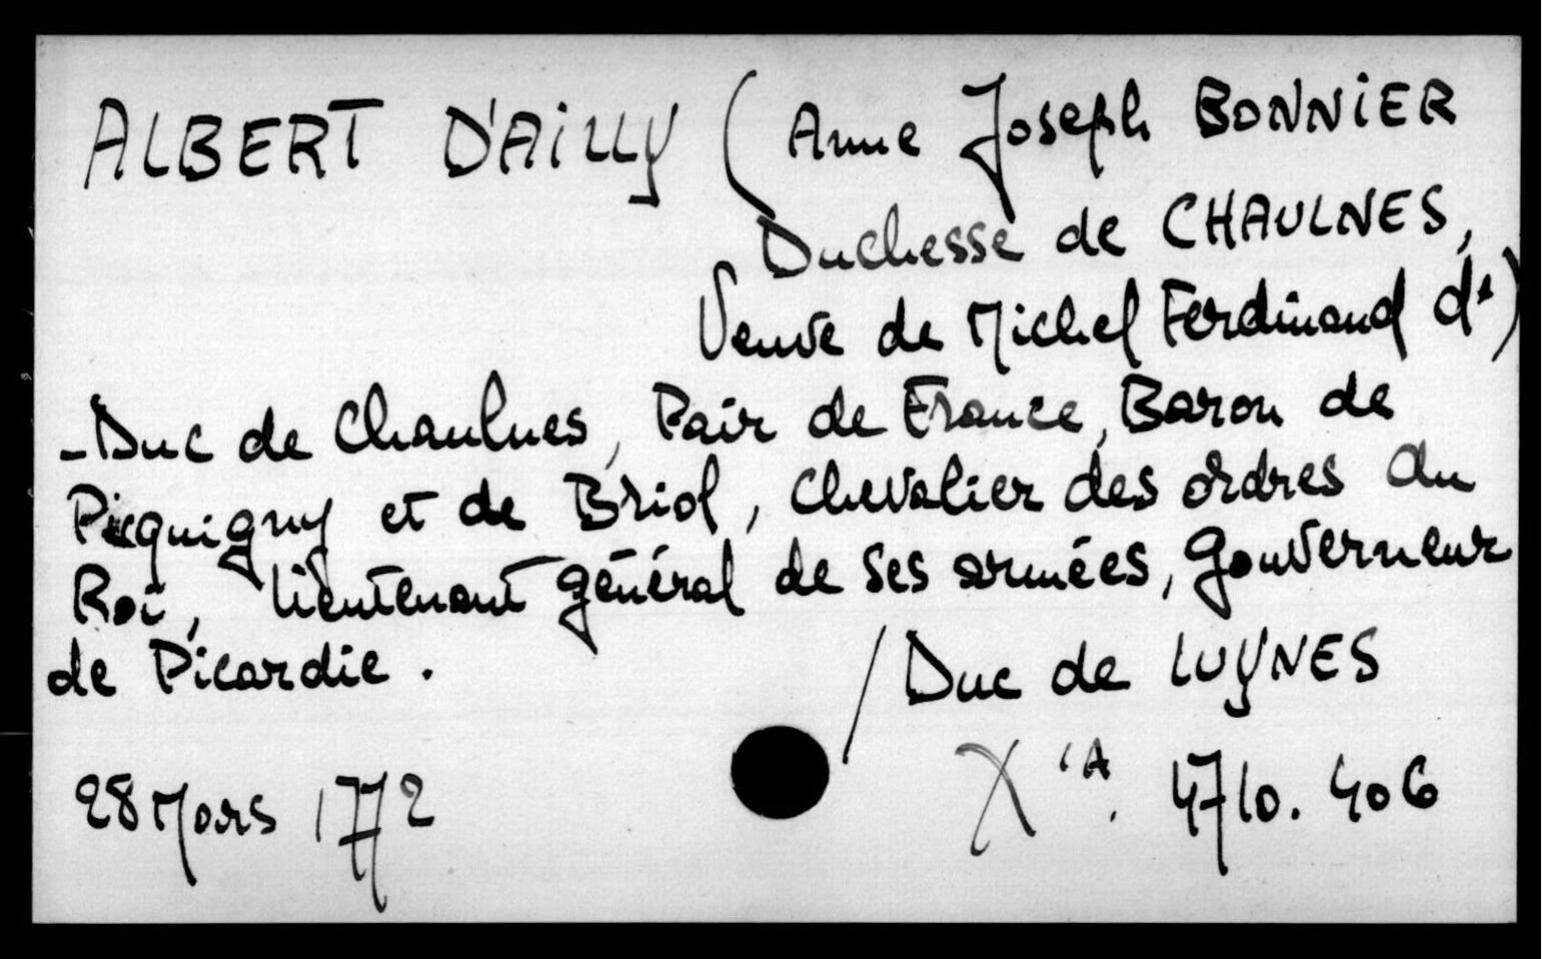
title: ALBERT D'AILLY (Anne Joseph BONNIER duchesse de CHAULNES, Veuve de Michel Ferdinand d') - Duc de Chaulnes, Pair de France, Baron de Picquigny et de Briol, Chevalier des ordres au Roi, Lieutenant général de ses armées, Gouverneur de Picardie
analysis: Contre Duc de LUYNES
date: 28 mars 1772
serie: X1A
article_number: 4710
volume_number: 406
